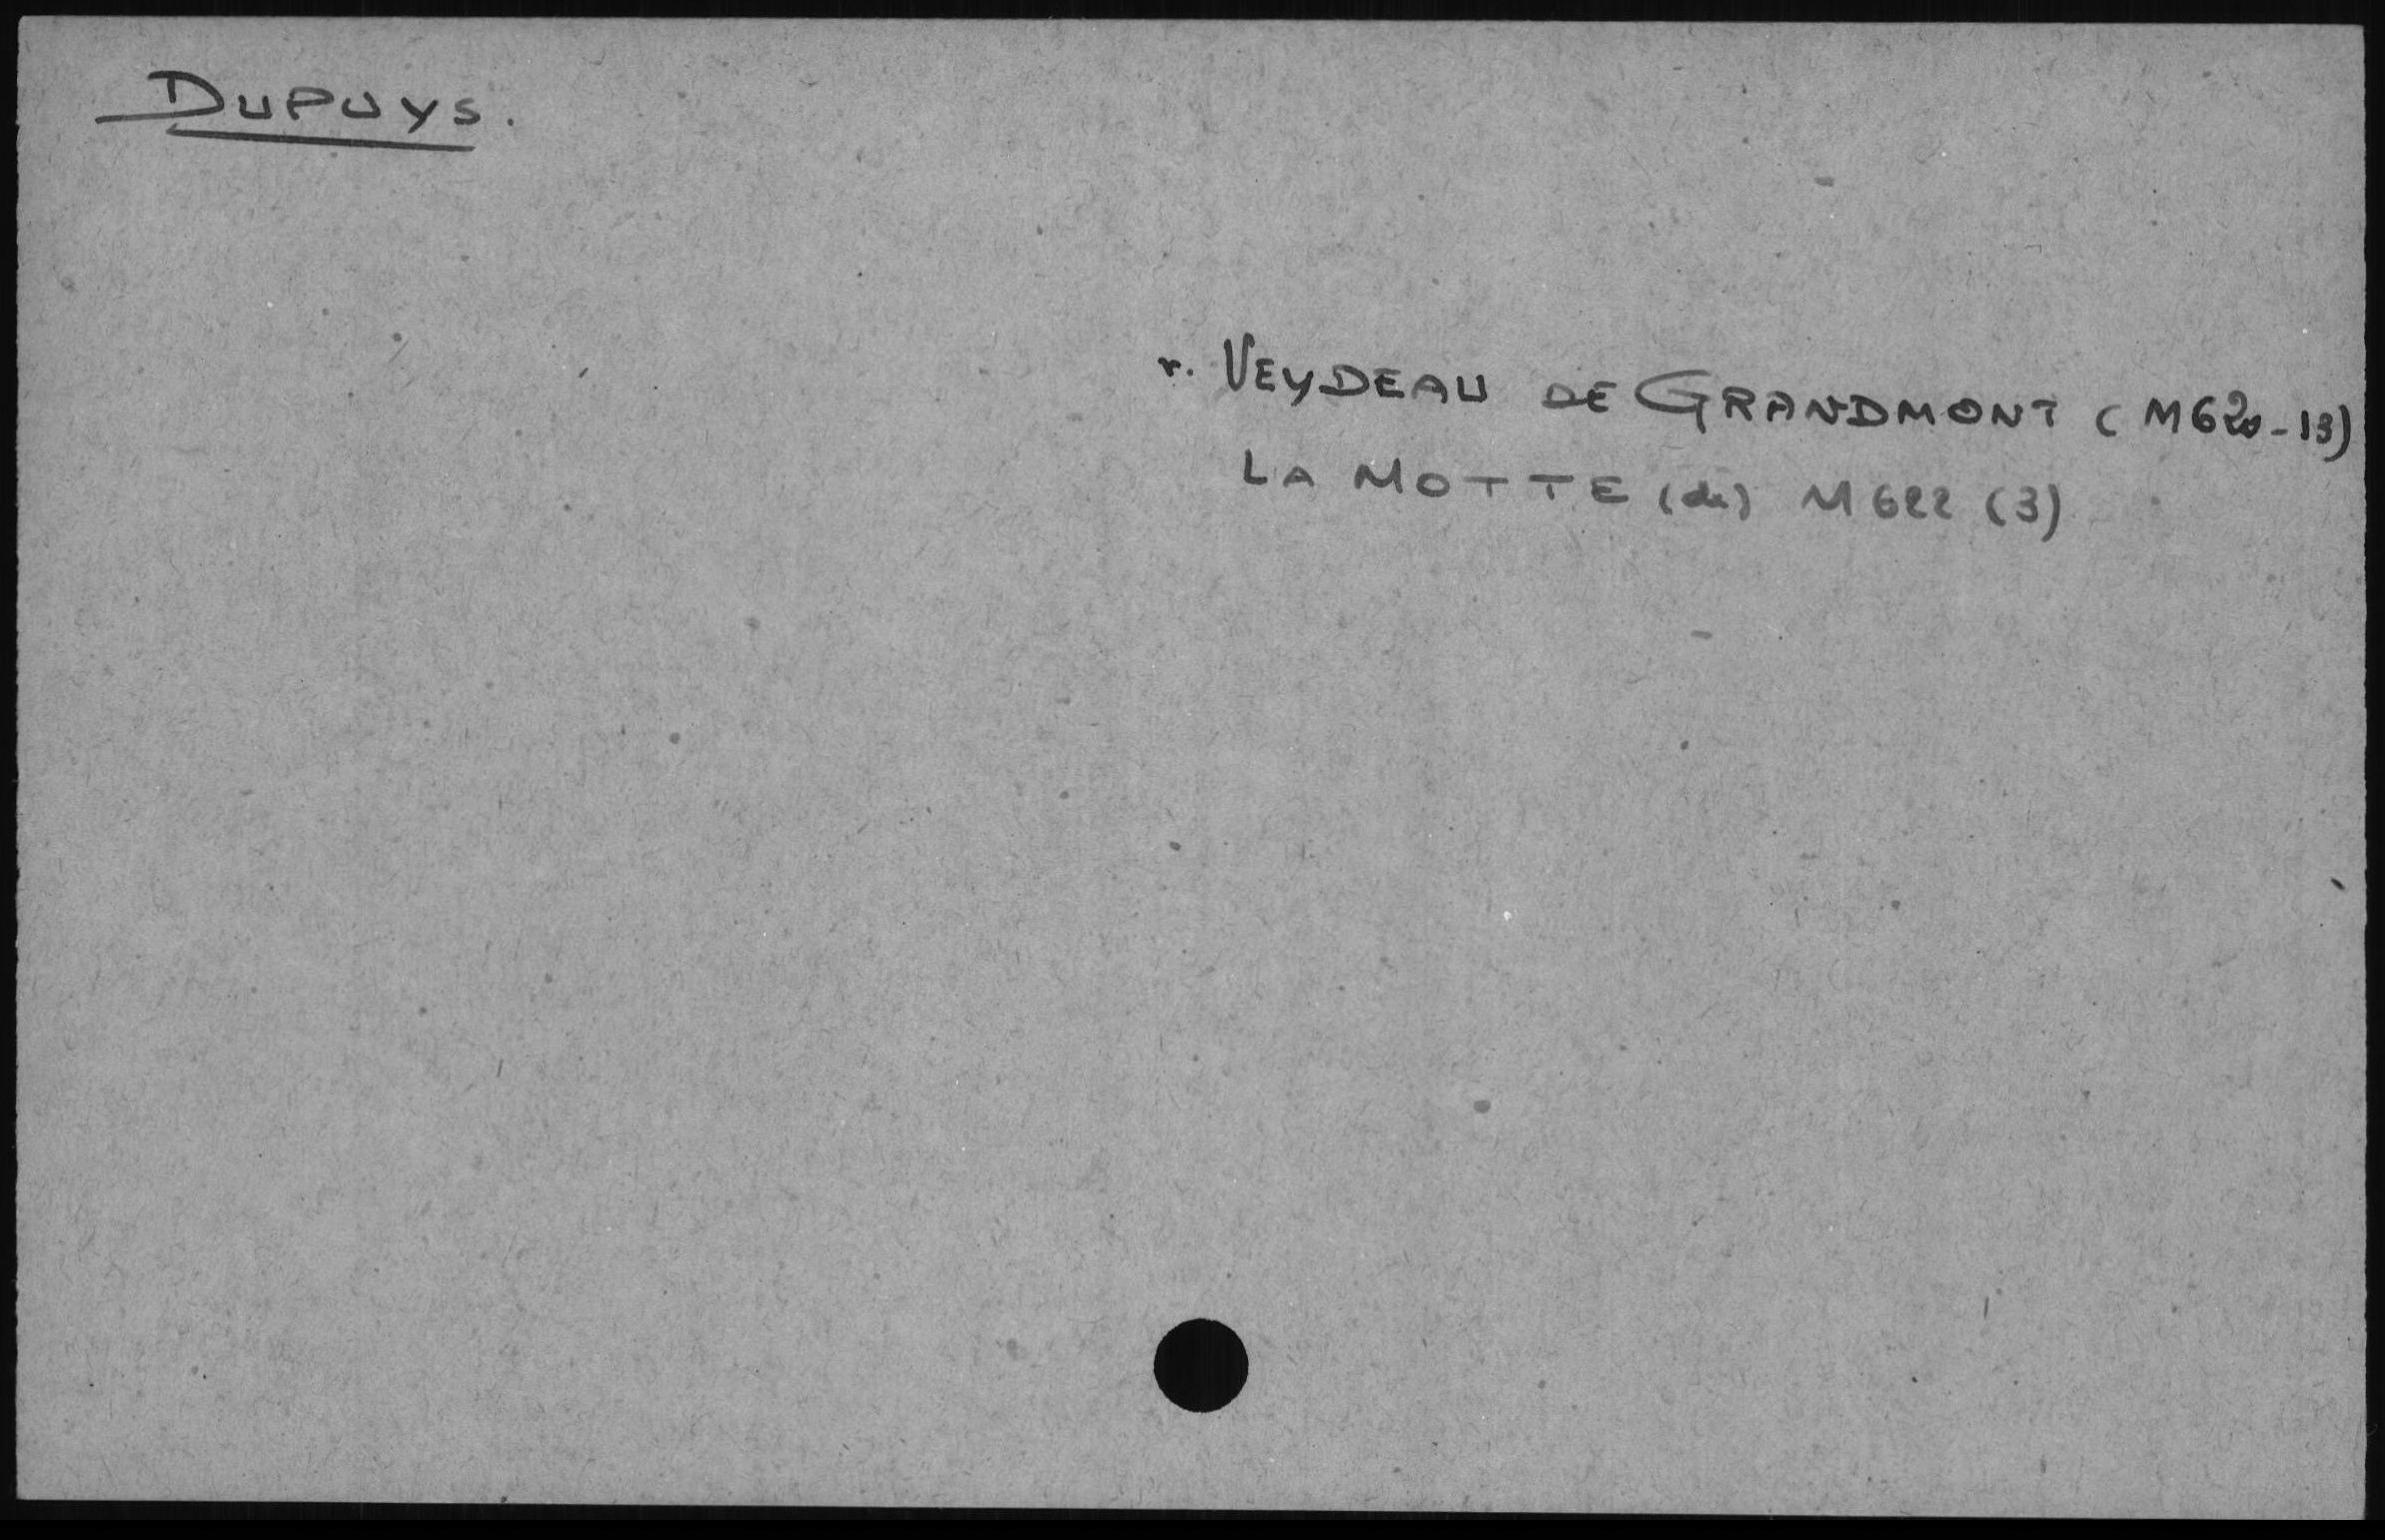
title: DUPUYS.
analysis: voir : VEYDEAU DE GRANDMONT (M 620 (13)) LA MOTTE (de) (M 622 (3))
